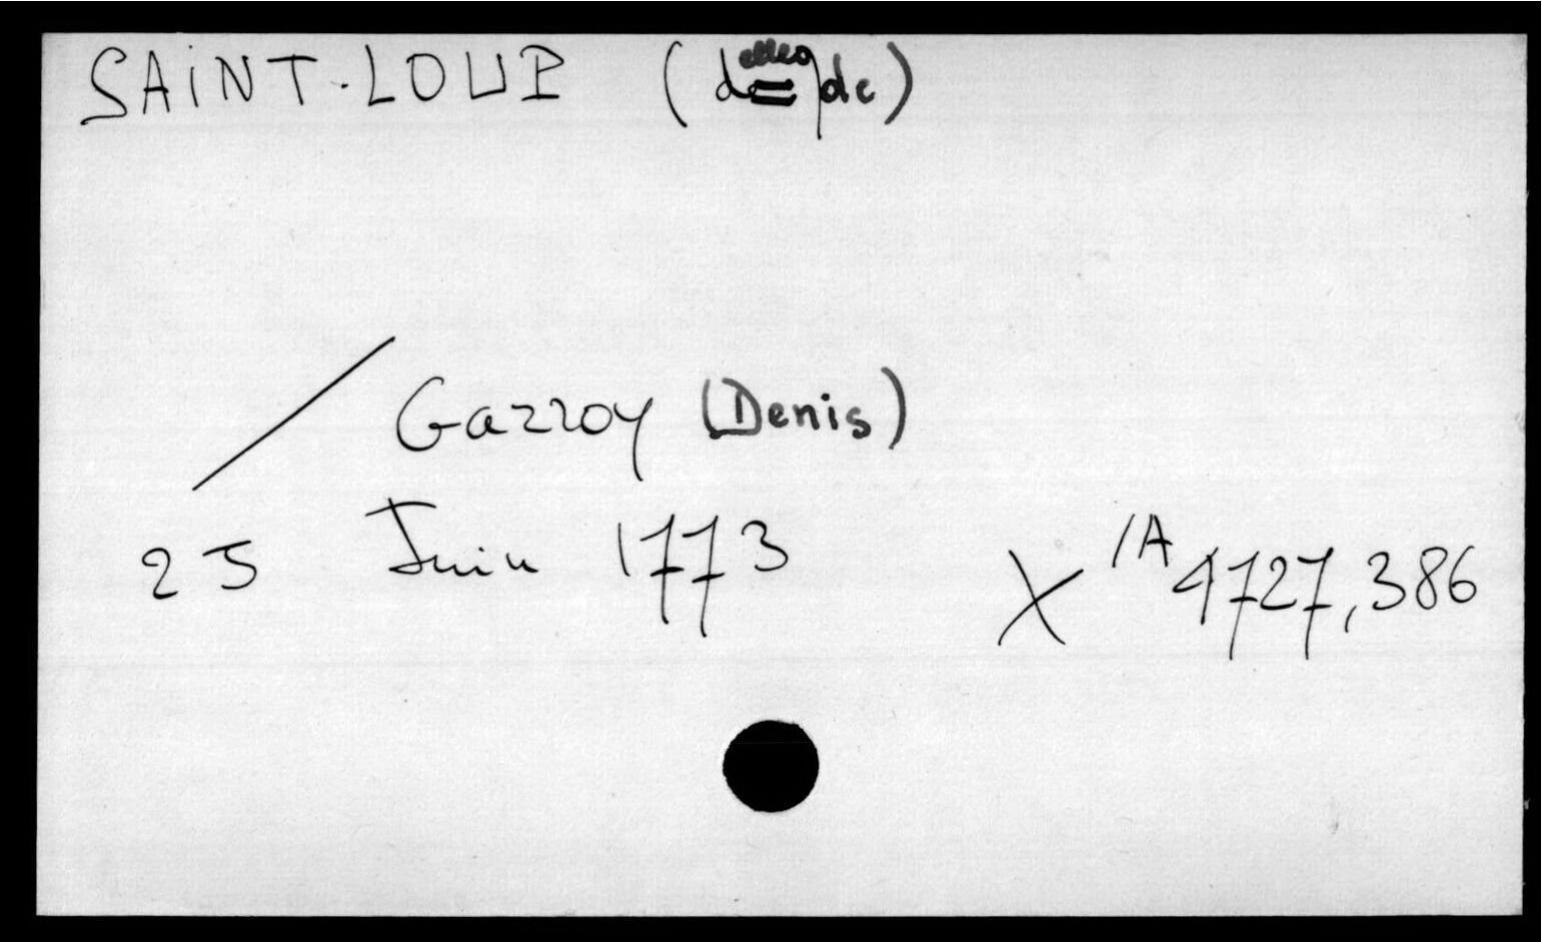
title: SAINT-LOUP (damoiselles)
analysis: Contre Garroy (Denis)
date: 25 juin 1773
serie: X1A
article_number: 4727
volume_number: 386
